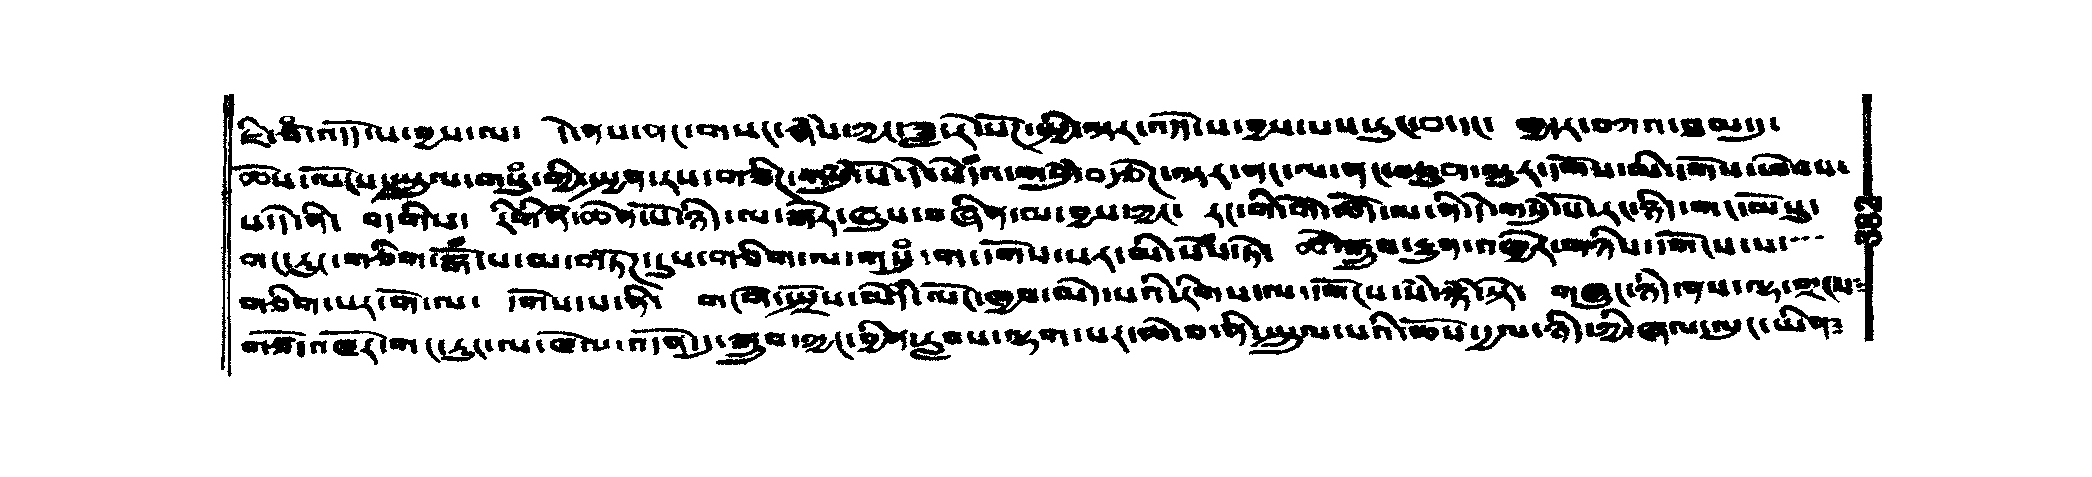ཇི་ཙམ་འདོད་པ་བྱས་ལ། དེ་ནས་ནང་གསང་རྣམས་ཀྱང་ཟླ་རེ་སོགས་སྤྱི་ལྟར་འདོད་པ་བྱས་པས་རུང་བ་དང་། ཁྱད་པར་བཀའ་ཐམ་དུ། 
ཆོས་ལོངས་སྤྲུལ་གསུམ་གྱི་སྤྱན་རས་གཟིགས་གསུམ་པོ་དེ་སེམས་དཔའ་གསུམ་བརྩེགས་ལྟར་ནང་ལ་ནང་བཅུག་ལྟ་བུར་དགོས་མི་དགོས་ཕེབས་
པ་དེ་ནི། བདག་གིས་རིག་འཛིན་ཆེན་པོ་ལ་སྒེར་ཞུས་བཞིན་མ་བྱས་ཀྱང་། རང་གི་གོ་ཚོད་ལ་ནི་དེ་གསུམ་པོ་རང་ཉིད་གང་མོས་སུ་
གང་རུང་གཅིག་སྒོམ་པ་མ་གཏོགས་དུས་གཅིག་ལ་གསུམ་ག་དགོས་པར་མི་སེམས་ཏེ། ཚེ་སྒྲུབ་རྒྱུན་འཁྱེར་གཉིསདགོངས་པ་
གཅིག་པར་གོ་ལ། དགོས་པ་ནི། གདམས་ངག་སྤྲོས་མེད་དམ་ལོང་ཁྱབ་མེད་པའི་རིགས་ལ་དགོངས་སམ་སྙམ་སྟེ། གཞུང་ཉིད་ནས་ལྷ་གྲངས་
གཙོ་འཁོར་གང་རུང་ལ་ཁོལ་འདོན་དུ་སྒྲུབ་ཀྱང་བྱིན་རླབས་ལྷག་པར་ཆེ་བ་ནི་སྤྲུལ་པའི་ཆོས་རྒྱལ་ཉིད་ཀྱི་ཞལ་ལུང་ཡིན་